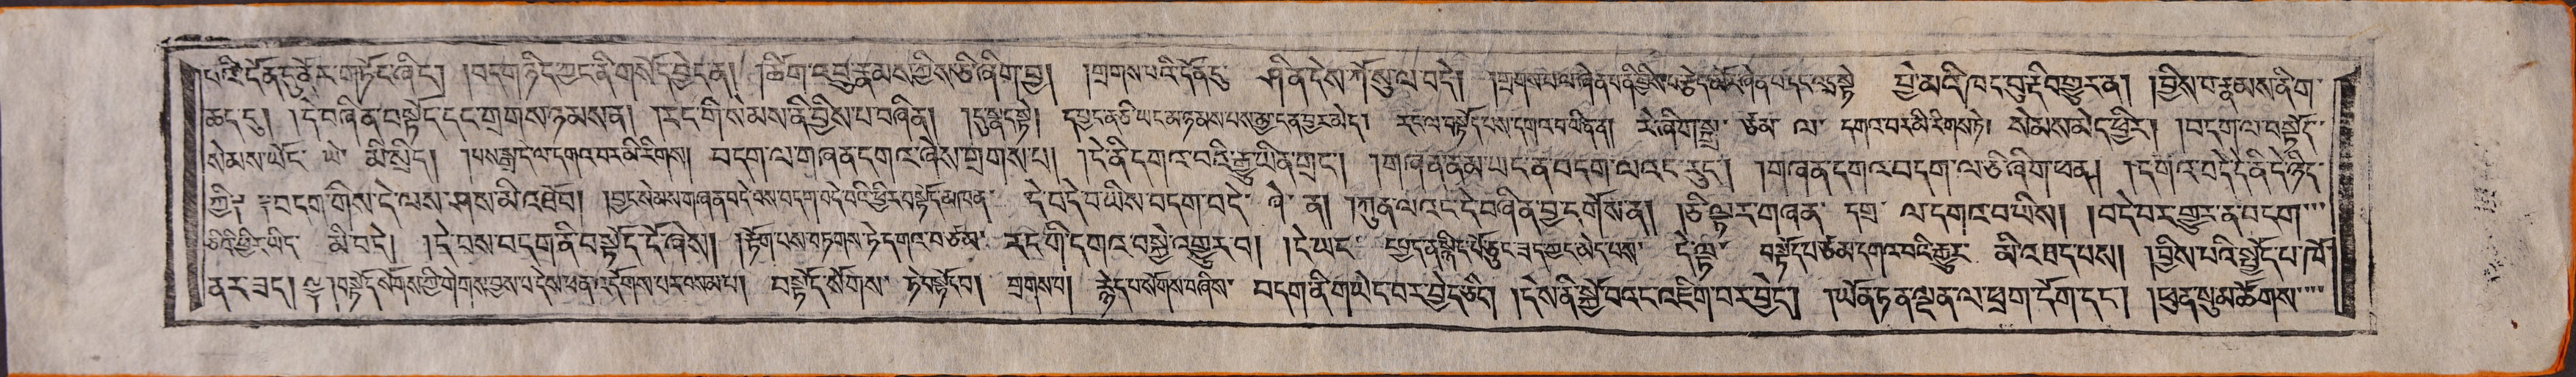པའི་དོན་དུ་ནོར་གཏོང་ཞིང་། །བདག་ཉིད་ཀྱང་ནི་གསོད་བྱེད་ན། །ཚིག་འབྲུ་རྣམས་ཀྱིས་ཅི་ཞིག་བྱ། །གྲགས་པའི་དོན་དུ་ཤི་ན་དེས་ཀོ་སུ་ལ་བདེ། །གྲགས་པ་ལ་ཞེན་པ་ནི་གྱིས་པ་རྩེད་མོར་ཞེན་པ་དང་འདྲ་སྟེ་བྱེ་མའི་ཁང་བུ་རྡི་པ་གྱུར་ན། །བྱིས་པ་རྣམས་ནི་གང་
ཆད་དུ། །དེ་བཞིན་བསྟོད་དང་གྲགས་ཉམས་ན། །རང་གི་སེམས་ནི་བྱིས་པ་བཞིན། །དུ་སྣང་སྟེ། དཔྱད་ན་ཅི་ཡང་མ་ཉམས་པས་མྱ་ངན་བྱར་མེད། རང་ལ་བསྟོད་པས་དགའ་བ་ཡིན་ན།  རེ་ཞིག་སྒྲ་ཙམ་ལཿ དགའ་བར་མི་རིགས་ཏེ།  སེམས་མེད་ཕྱིར། །བདག་ལ་བསྟོད་
སེམས་ཡོད་ཡེ་མི་སྲིད། །པས་སྒྲ་དེ་ལ་དགའ་བར་མི་རིགས།  བདག་ལ་གཞན་དགའ་ཞེས་གྲགས་པ། །དེ་ནི་དགའ་བའི་རྒྱུ་ཡིན་གྲང་། །གཞན་ནམ་ཡང་ན་བདག་ལའང་རུང་། །གཞན་དགའ་བདག་ལ་ཅི་ཞིག་ཕན། །དགའ་བདེ་དེ་ནི་དེ་ཉིད་
ཀྱི༑ ༑བདག་གིས་དེ་ལས་ཤས་མི་འཐོབ། །བྱང་སེམས་གཞན་བདེ་བས་བདག་བད་བའི་ཕྱིར་བསྟོད་མཁན་དེ་བདེ་བ་ཡིས་བདག་བདེ་ཞེ་ན། །ཀུན་ལའང་དེ་བཞིན་བྱ་དགོས་ན། །ཅི་ལྟར་གཞན་དགྲ་ལ་དགའ་བ་ཡིས། །བདེ་བར་གྱུར་ན་བདག་
ཅིའི་ཕྱིར་ཡིད་མི་བདེ། །དེ་བས་བདག་ནི་བསྟོད་དོ་ཞེས། །རྟོག་པས་བཏགས་ཏེ་དགའ་བ་ཙམ་རང་གི་དགའ་བསྐྱེ་འགྱུར་བ། །དེ་ཡང་དཔྱད་ན་སྙིང་པོ་ཅུང་ཟད་ཀྱང་མེད་པས་དེ་ལྟར་བསྟོད་པ་ཙམ་དགའ་བའི་རྒྱུར་མི་འཐད་པས། །བྱིས་པའི་སྤྱོད་པ་ཁོ་
ནར་ཟད། ༈ །བསྟོད་སོགས་ཀྱི་གེགས་བྱས་པ་དེས་ཕན་འདེགས་པར་བསམ་པ།  བསྟོད་སོགས་ཏེ་བསྟོད་པ། གྲགས་པ། རྙད་པ་སོགས་བཞིས་བདག་ནི་གཡེང་བར་བྱེད་ཅིང་། །དེས་ནི་སྐྱོ་བའང་འཇིག་པར་བྱེད། །ཡོན་ཏན་ལྡན་ལ་ཕྲག་དོག་དང་། །ཕུན་སུམ་ཚོགས་